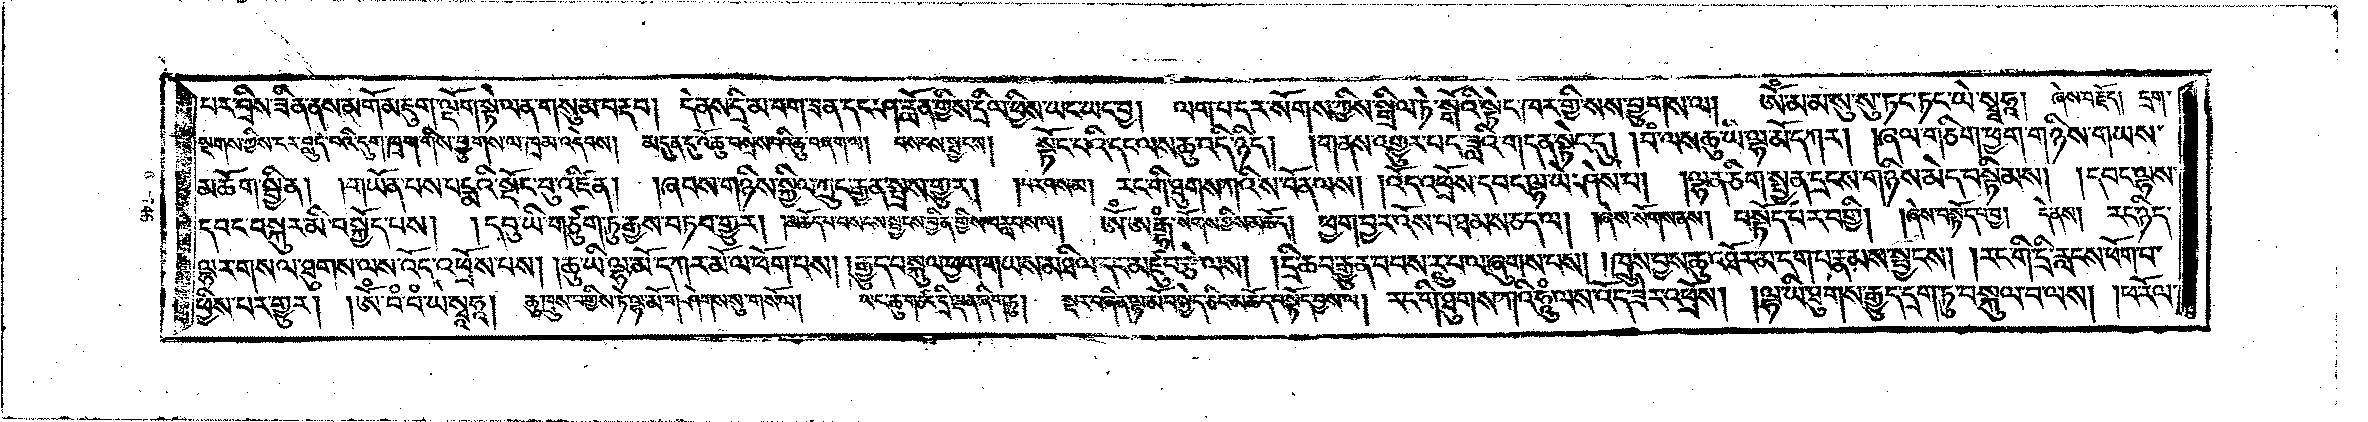པར་བྲིས་ཟིན་ནས་མགོ་མཇུག་ལྡོག་སྟེ་ལན་གསུམ་བརྡབ། དེ་ནས་དྲི་མ་བག་ཟན་དང་ཤ་རློན་གྱིས་དྲིལ་ཕྱིས་ཡང་ཡང་བྱ། ལག་པ་དར་སོགས་ཀྱིས་སྒྲིལ་ཏེ་སྒོའི་སྟེང་ཁར་གྱི་སས་བྱུགས་ལ། ཨོཾ་མ་མ་སུ་སུ་ཏང་ཏང་ཡེ་སྭཱཧཱ། ཞེས་བརྗོད། དྲག་
སྔགས་ཀྱིས་ངར་བླུད་པའི་དུག་ཁྲག་གིས་ཕྱུགས་ལ་ཁྲམ་འདེབས། མདུན་དུ་འོ་ཆུ་བསྲེས་བའི་ཆུ་བཞག་ལ། བསངས་སྦྱངས། སྟོང་པའི་དང་ལས་ཆུ་འདི་ཉིད། །གནས་འགྱུར་པད་ཟླའི་གདན་སྟེང་དུ། །བཾ་ལས་ཆུ་ཡི་ལྷ་མོ་དཀར། །ཞལ་གཅིག་ཕྱག་གཉིས་གཡས་
མཆོག་སྦྱིན། །གཡོན་པས་པདམའི་སྡོང་བུ་འཛིན། །ཞབས་གཉིས་སྐྱིལ་ཀྲུང་རྒྱན་སྤྲས་གྱུར། །པར་བསམ།  རང་གི་ཐུགས་ཀའི་ས་བོན་ལས། །འོད་འཕྲོས་དབང་ལྷ་ཡེ་ཤེས་པ། །ལྷན་ཅིག་སྤྱན་དྲངས་གཉིས་མེད་བསྟིམས། །དབང་ལྷས་
དབང་བསྐུར་མི་བསྐྱོད་པས། །དབུ་ཡི་གཙུག་ཏུ་རྒྱས་བཏབ་གྱུར། །མཆོད་པ་བསངས་སྦྱངས་བྱིན་གྱིས་བརླབས་ལ།  ཨོཾ་ཨརྒྷཾ་སོགས་ཀྱིས་མཆོད།  ཕྱག་བྱར་འོས་པ་ཐམས་ཅད་ལ། །ཞེས་སོགས་ནས།  བསྟོད་པར་བགྱི། །ཞེས་བསྟོད་བ་བྱ། དེ་ནས།  རང་ཉིད་
ལྷར་གསལ་ཐུགས་ལས་འོད་འཕྲོས་པས། །ཆུ་ཡི་ལྷ་མོ་དཀར་མོ་ལ་ཕོག་པས། །རྒྱུད་བསྐུལ་ཕྱག་གཡས་མཐིལ་དང་མཛུབ་རྩེ་ལས། །དྲི་ཆ་བརྒྱུན་བབས་རཱུ་པ་ལ་ཞུགས་པས། །ཁྲུས་བྱས་ཆུ་འཐོར་མ་དག་པ་རྣམས་སྦྱངས། །རང་གི་དྲི་རླངས་ཕོག་པ་
ཕྱིས་པར་གྱུར། །ཨོཾ་བཾ་བཾ་ཡེ་སྭཱཧཱ། ཆུ་ཁྲུས་བགྱིས་ཏེ་ལྷ་མོ་གཤེགས་སུ་གསོལ། ཡང་ཆུ་གཙང་དྲི་ལྡན་ཞིག་ཏུ། སྔར་བཞིན་ལྷ་མོ་བསྐྱེད་ཅིང་མཆོད་བསྟོད་བྱས་ལ།  རང་གི་ཐུགས་ཀའི་ཧཱུཾ་ལས་འོད་ཟེར་འཕྲོས། །ལྷ་ཡི་ཐུགས་རྒྱུད་དྲག་ཏུ་བསྐུལ་བ་ལས། །ཕ་རོལ་